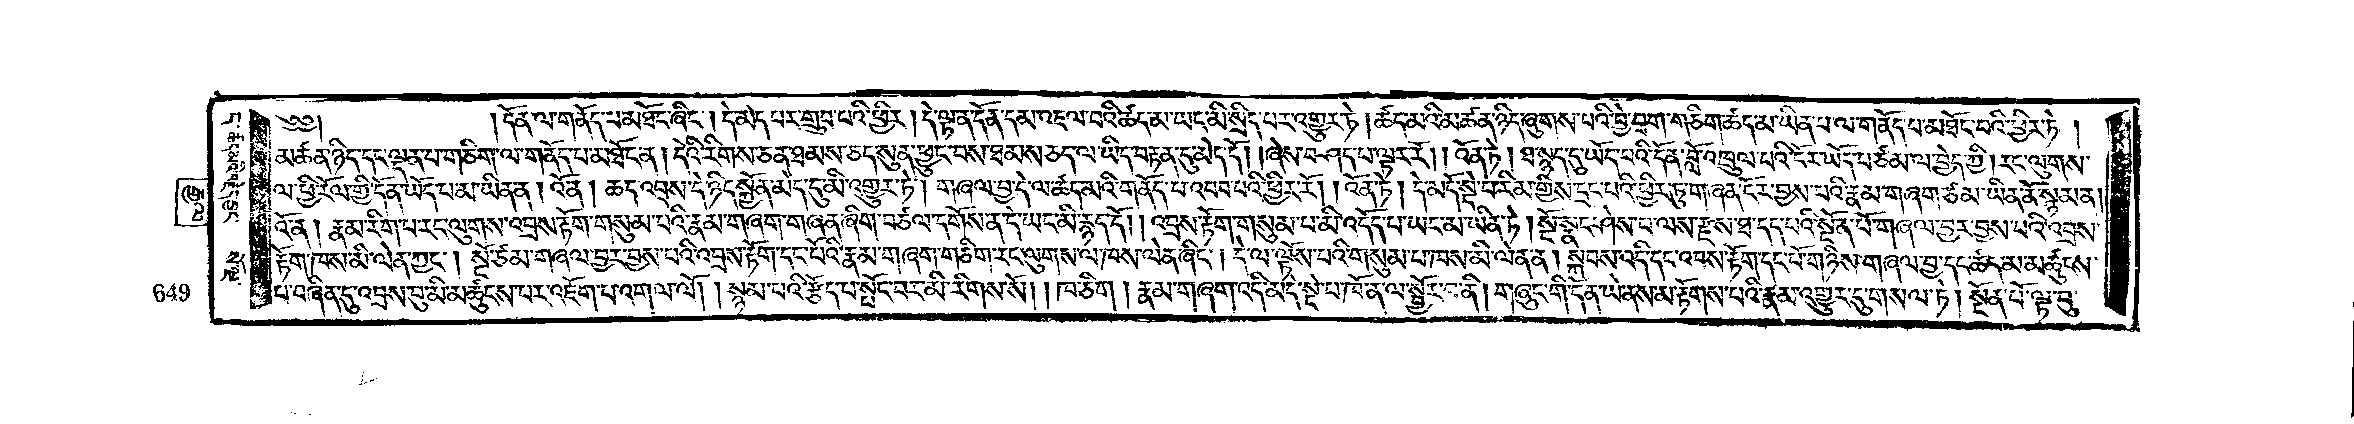༄༅། །དོན་ལ་གནོད་པ་མཐོང་ཞིང་། དེ་མེད་པར་གྲུབ་པའི་ཕྱིར། དེ་ལྟ་ན་དོན་དམ་འཇལ་བའི་ཚད་མ་ཡང་མི་སྲིད་པར་འགྱུར་ཏེ། ཚད་མའི་མཚན་ཉིད་ཞུགས་པའི་བྱེ་བྲག་གཅིག་ཚད་མ་ཡིན་པ་ལ་གནོད་པ་མཐོང་བའི་ཕྱིར་ཏེ།
མཚན་ཉིད་དང་ལྡན་པ་གཅིག་ལ་གནོད་པ་མཐོང་ན། དེའི་རིགས་ཅན་ཐམས་ཅད་སུན་ཕྱུང་བས་ཐམས་ཅད་ལ་ཡིད་བརྟན་དུ་མེད་དོ། །ཞེས་བཤད་པ་ལྟར་རོ། །འོན་ཏེ། ཐ་སྙད་དུ་ཡོད་པའི་དོན་བློ་འཁྲུལ་པའི་ངོར་ཡོད་པ་ཙམ་ལ་བྱེད་ཀྱི། རང་ལུགས་
ལ་ཕྱི་རོལ་གྱི་དོན་ཡོད་པ་མ་ཡིན་ན། འོན་ཏེ། ཆད་འབྲས་དེ་ཉིད་སྐྱོན་མེད་དུ་མི་འགྱུར་ཏེ། གཞལ་བྱ་དེ་ལ་ཚད་མའི་གནོད་པ་འབབ་པའི་ཕྱིར་རོ། །འོན་ཏེ། དེ་མདོ་སྡེ་པ་རིམ་གྱིས་དྲང་པའི་ཕྱིར་ཏུ་གཞན་ངོར་བྱས་པའི་རྣམ་གཞག་ཙམ་ཡིན་ནོ་སྙམ་ན།
འོ་ན། རྣམ་རིག་པ་རང་ལུགས་འབྲས་རྟོག་གསུམ་པའི་རྣམ་གཞག་གཞན་ཞིག་བཙལ་དགོས་ན་དེ་ཡང་མི་རྙེད་དོ། །འབྲས་རྟོག་གསུམ་པ་མི་འདོད་པ་ཡང་མ་ཡིན་ཏེ། སྔོ་སྣང་ཤེས་པ་ལས་རྫས་ཐ་དད་པའི་སྔོན་པོ་གཞལ་བྱར་བྱས་པའི་འབྲས་
རྟོག་ཁས་མི་ལེན་ཀྱང་། སྔོ་ཙམ་གཞལ་བྱར་བྱས་པའི་འབྲས་རྟོག་དང་པོའི་རྣམ་གཞག་གཅིག་རང་ལུགས་ལ་ཁས་ལེན་ཞིང་། དེ་ལ་ལྟོས་པའི་གསུམ་པ་ཁས་མི་ལེན་ན། སྐབས་འདི་དང་འབྲས་རྟོག་དང་པོ་གཉིས་གཞལ་བྱ་དང་ཚད་མ་མཚུངས་
པ་བཞིན་དུ་འབྲས་བུ་མི་མཚུངས་པར་འཇོག་པ་འགལ་ལོ། །སྙམ་པའི་རྩོད་པ་སྤོང་བ་མི་རིགས་སོ། །ཁ་ཅིག །རྣམ་གཞག་འདི་མདོ་སྡེ་པ་ཁོ་ན་ལ་སྦྱོར་བ་ནི། གཞུང་གི་དོན་ཡེ་ནས་མ་རྟོགས་པའི་རྣམ་འགྱུར་དུ་གསལ་ཏེ། སྔོན་པོ་ལྟ་བུ་